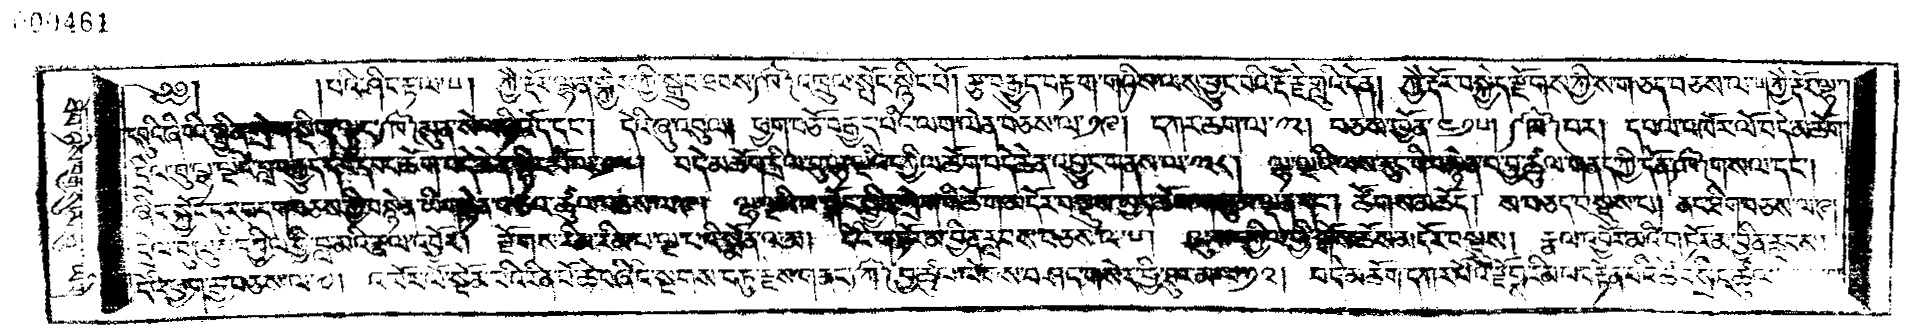༄༅། །པའི་ཤིང་རྟ་ལ ༥། ཀྱཻ་རྡོར་ལྷན་སྐྱེས་ཀྱི་སྒྲུབ་ཐབས ༼ཁ༽ འཁྲུལ་སྤོང་སྙིང་པོ། རྩ་བརྒྱུད་བརྟག་གཉིས་ལས་བྱུང་བའི་རྡོ་རྗེ་གླུའི་དོན། ཀྱཻ་རྡོར་བསྐྱེད་རྫོགས་ཀྱི་ས་གཅད་བཅས་ལ ༥། ཀྱཻ་རྡོར་ལྷ་
དགུའི་ཞི་བའི་སྦྱིན་སྲེག་སྡིག་ལྟུང ༼ཁ༽ མུན་སེལ་ཉི་འོད་དང་། དེའི་ཞུ་འབུལ། ཕྱག་བཅོ་བརྒྱད་པའི་ལག་ལེན་བཅས་ལ ༡༩། དཀར་ཆག་ལ ༣། བཅས་ཁྱོན ༤༡༥། ༼ཁ༽ པར། དཔལ་འཁོར་ལོ་བདེ་མཆོག་
དྲིལ་བུ་ལྷ་ལྔའི་བླ་བརྒྱུད་དང་དབང་ཆོག་བདེ་ཆེན་སྙིང་པོ་ལ ༡༤། བདེ་མཆོག་དྲིལ་བུ་ལྷ་ལྔའི་དཀྱིལ་ཆོག་བདེ་ཆེན་འབྱུང་གནས་ལ ༣༨། ལྷ་ལྔའི་ལས་རུང་གི་བསྙེན་བ་བྱ་ཚུལ་གནད་ཀྱི་དོན ༼ཁ༽ གསལ་དང་།
ཞིང་སྐྱོང་དུར་བདག་བཅས་ཀྱི་བསྙེན་ཡིག་རྟེན་བཅའ་ཚུལ་བཅས་ལ ༩། ལྷ་ལྔའི་ཁ་སྐོང་སྦྱིན་སྲེག་གི་ཆོ་ག་མདོར་བསྡུས་ཁྱད་ཆོས་གསུམ་ལྡན་དང་། ཚོགས་མཆོད། ས་བཅད་བསྡུས་པ། ནང་ཐིག་བཅས་ལ ༩།
དྲིལ་བུ་ལུས་དཀྱིལ་གྱི་བླ་མའི་རྣལ་འབྱོར། རྫོགས་རིམ་རིམ་པ་ལྔར་པའི་སྨོན་ལམ། དེའི་གཏོར་མ་བྱིན་རླབས་བཅས་ལ ༥། ལུས་དཀྱིལ་གྱི་སྒོས་ཆོས་མདོར་བསྡུས། རྣལ་འབྱོར་མའི་གཏོར་མ་བྱིན་རླབས།
དེའི་ཕྱག་རྒྱ་བཅས་ལ ༧། འཁོར་ལོ་སྡོམ་པའི་རིན་པོ་ཆེ་བཞིའི་སྔགས་བཏུ་རྗེས་གནང ༼ཀ༽ བྱ་ཚུལ་ལེགས་བཤད་གསེར་གྱི་ཐུར་མ་ལ ༡༢། བདེ་མཆོག་དཀར་པོའི་རྫོགས་རིམ་ལ་བརྟེན་པའི་ཚེ་བསྲིང་ཚུལ་